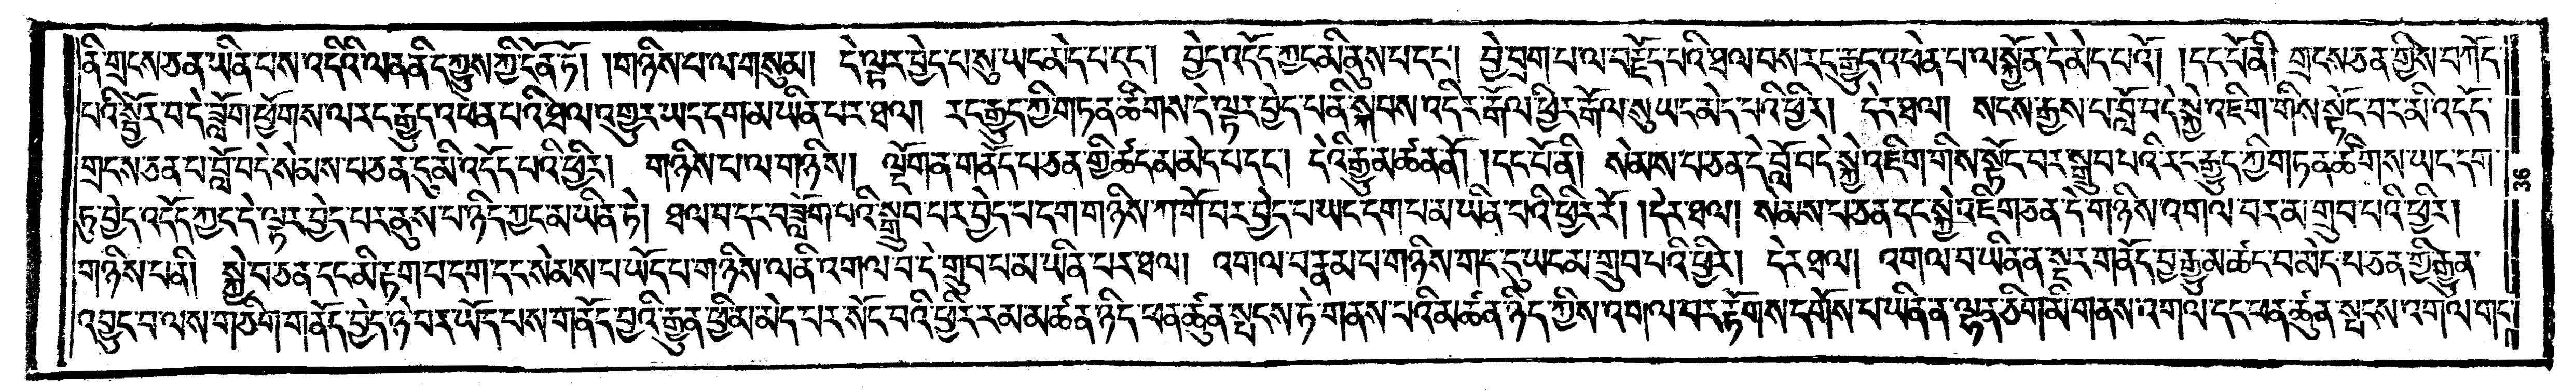ནི་གྲངས་ཅན་ཡིན་པས་འདིའི་ལན་ནི་དཀྱུས་ཀྱི་དོན་ཏོ། །གཉིས་པ་ལ་གསུམ། དེ་ལྟར་བྱེད་པ་སུ་ཡང་མེད་པ་དང་། བྱེད་འདོད་ཀྱང་མི་ནུས་པ་དང་། བྱེ་བྲག་པ་ལ་བརྗོད་པའི་ཐལ་བས་རང་རྒྱུད་འཕེན་པ་ལ་སྐྱོན་དེ་མེད་པའོ། །དང་པོ་ནི། གྲངས་ཅན་གྱིས་བཀོད་
པའི་སྦྱོར་བ་དེ་ཟློག་ཕྱོགས་ལ་རང་རྒྱུད་འཕེན་པའི་ཐལ་འགྱུར་ཡང་དག་མ་ཡིན་པར་ཐལ། རང་རྒྱུད་ཀྱི་གཏན་ཚིགས་དེ་ལྟར་བྱེད་པ་ནི་སྐབས་འདིར་རྒོལ་ཕྱིར་རྒོལ་སུ་ཡང་མེད་པའི་ཕྱིར། དེར་ཐལ། སངས་རྒྱས་པ་བློ་བ་དེ་སྐྱེ་འཇིག་གིས་སྟོང་བར་མི་འདོད་
གྲངས་ཅན་པ་བློ་བདེ་སེམས་པ་ཅན་དུ་མི་འདོད་པའི་ཕྱིར། གཉིས་པ་ལ་གཉིས། ལྡོག་ན་གནོད་པ་ཅན་གྱི་ཚད་མ་མེད་པ་དང་། དེའི་རྒྱུ་མཚན་ནོ། །དང་པོ་ནི། སེམས་པ་ཅན་དེ་བློ་བདེ་སྐྱེ་འཇིག་གིས་སྟོང་བར་སྒྲུབ་པའི་རང་རྒྱུད་ཀྱི་གཏན་ཚིགས་ཡང་དག་
ཏུ་བྱེད་འདོད་ཀྱང་དེ་ལྟར་བྱེད་པར་ནུས་པ་ཉིད་ཀྱང་མ་ཡིན་ཏེ། ཐལ་བ་དང་བཟློག་པའི་སྒྲུབ་པར་བྱེད་པ་དག་གཉིས་ཀ་གོ་བར་བྱེད་པར་བྱེད་པ་ཡང་དག་པ་མ་ཡིན་པའི་ཕྱིར་རོ། །དེར་ཐལ། སེམས་པ་ཅན་དང་སྐྱེ་འཇིག་ཅན་དེ་གཉིས་འགལ་བར་མ་གྲུབ་པའི་ཕྱིར།
གཉིས་པ་ནི། སྐྱེ་བ་ཅན་དང་མི་རྟག་པ་དག་དང་སེམས་པ་ཡོད་པ་གཉིས་ལ་ནི་འགལ་བ་དེ་གྲུབ་པ་མ་ཡིན་པར་ཐལ། འགལ་བ་རྣམ་པ་གཉིས་གང་དུ་ཡང་མ་གྲུབ་པའི་ཕྱིར། དེར་ཐལ། འགལ་བ་ཡིན་ན་སྔར་གནོད་བྱ་རྒྱུ་མ་ཚང་བ་མེད་པ་ཅན་གྱི་རྒྱུན་
འབྱུང་བ་ལས་གཅིག་གནོད་བྱེད་ཉེ་བར་ཡོད་པས་གནོད་བྱའི་རྒྱུན་ཕྱི་མ་མེད་པར་སོང་བའི་ཕྱིར་རམ་མཚན་ཉིད་ཕན་ཚུན་སྤངས་ཏེ་གནས་པའི་མཚན་ཉིད་ཀྱིས་འགལ་བར་རྟོགས་དགོས་པ་ཡིན་ན་ལྷན་ཅིག་མི་གནས་འགལ་དང་ཕན་ཚུན་སྤངས་འགལ་གང་